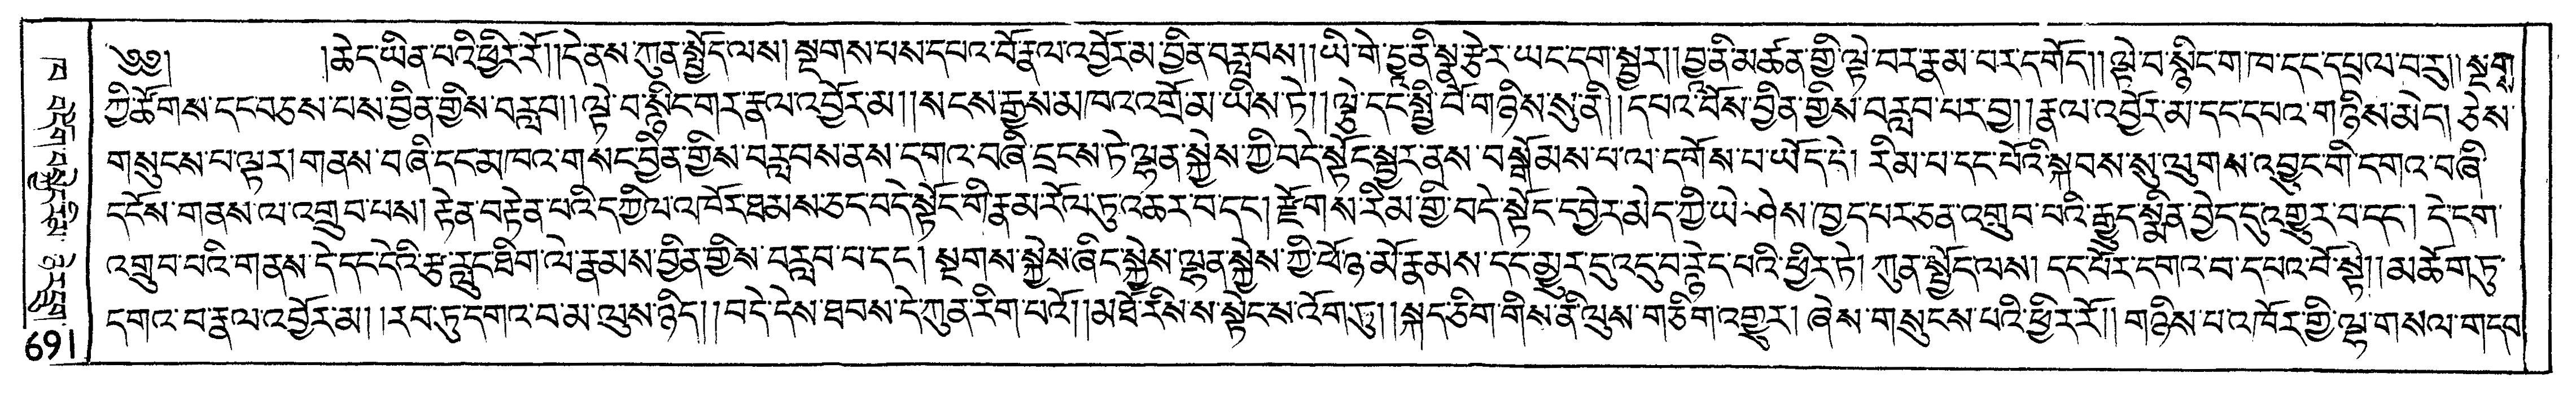༄༅། །ཆེད་ཡིན་པའི་ཕྱིར་རོ། །དེ་ནས་ཀུན་སྤྱོད་ལས། སྔགས་པས་དཔའ་བོ་རྣལ་འབྱོར་མ་བྱིན་བརླབས། །ཡི་གེ་དྱཱ་ནི་སྣ་རྩེར་ཡང་དག་སྦྱར། །བྱཱ་ནི་མཚན་གྱི་ལྟེ་བར་རྣམ་པར་དགོད། །ལྟེ་བ་སྙིང་ག་ཁ་དང་དཔྲལ་བ་རུ། །སྔགས་
ཀྱི་ཚོགས་དང་བཅས་པས་བྱིན་གྱིས་བརླབ། །ལྟེ་བ་སྙིང་གར་རྣལ་འབྱོར་མ། །སངས་རྒྱས་མཁའ་འགྲོ་མ་ཡིས་ཏེ། །ལྕེ་དང་སྤྱི་བོ་གཉིས་སུ་ནི། །དཔའ་བོས་བྱིན་གྱིས་བརླབ་པར་བྱ། །རྣལ་འབྱོར་མ་དང་དཔའ་གཉིས་མེད། ཅེས་
གསུངས་པ་ལྟར། གནས་བཞི་དང་མཁའ་གསང་བྱིན་གྱིས་བརླབས་ནས་དགའ་བཞི་དྲངས་ཏེ་ལྷན་སྐྱེས་ཀྱི་བདེ་སྟོང་སྦྱར་ནས་བསྒོམས་པ་ལ་དགོས་པ་ཡོད་དེ། རིམ་པ་དང་པོའི་སྐབས་སུ་ལུགས་འབྱུང་གི་དགའ་བཞི་
དངོས་གནས་ལ་འགྲུབ་པས། རྟེན་བརྟེན་པའི་དཀྱིལ་འཁོར་ཐམས་ཅད་བདེ་སྟོང་གི་རྣམ་རོལ་ཏུ་འཆར་བ་དང་། རྫོགས་རིམ་གྱི་བདེ་སྟོང་དབྱེར་མེད་ཀྱི་ཡེ་ཤེས་ཁྱད་པར་ཅན་འགྲུབ་པའི་རྒྱུད་སྨིན་བྱེད་དུ་འགྱུར་བ་དང་། དེ་དག་
འགྲུབ་པའི་གནས་དེ་དང་དེའི་རྩ་རླུང་ཐིག་ལེ་རྣམས་བྱིན་གྱིས་བརླབ་པ་དང་། སྔགས་སྐྱེས་ཞིང་སྐྱེས་ལྷན་སྐྱེས་ཀྱི་ཕོ་ཉ་མོ་རྣམས་དང་མྱུར་དུ་འདུ་བ་རྙེད་པའི་ཕྱིར་ཏེ། ཀུན་སྤྱོད་ལས། དང་པོར་དགའ་བ་དཔའ་བོ་སྟེ། །མཆོག་ཏུ་
དགའ་བ་རྣལ་འབྱོར་མ། །རབ་ཏུ་དགའ་བ་མ་ལུས་ཉིད། །བདེ་དེས་ཐབས་དེ་ཀུན་རིག་པའོ། །མཐོ་རིས་ས་སྟེང་ས་འོག་ཏུ། །སྐད་ཅིག་གིས་ནི་ལུས་གཅིག་འགྱུར། ཞེས་གསུངས་པའི་ཕྱིར་རོ། །གཉིས་པ་འཁོར་གྱི་ལྷ་གསལ་གདབ་